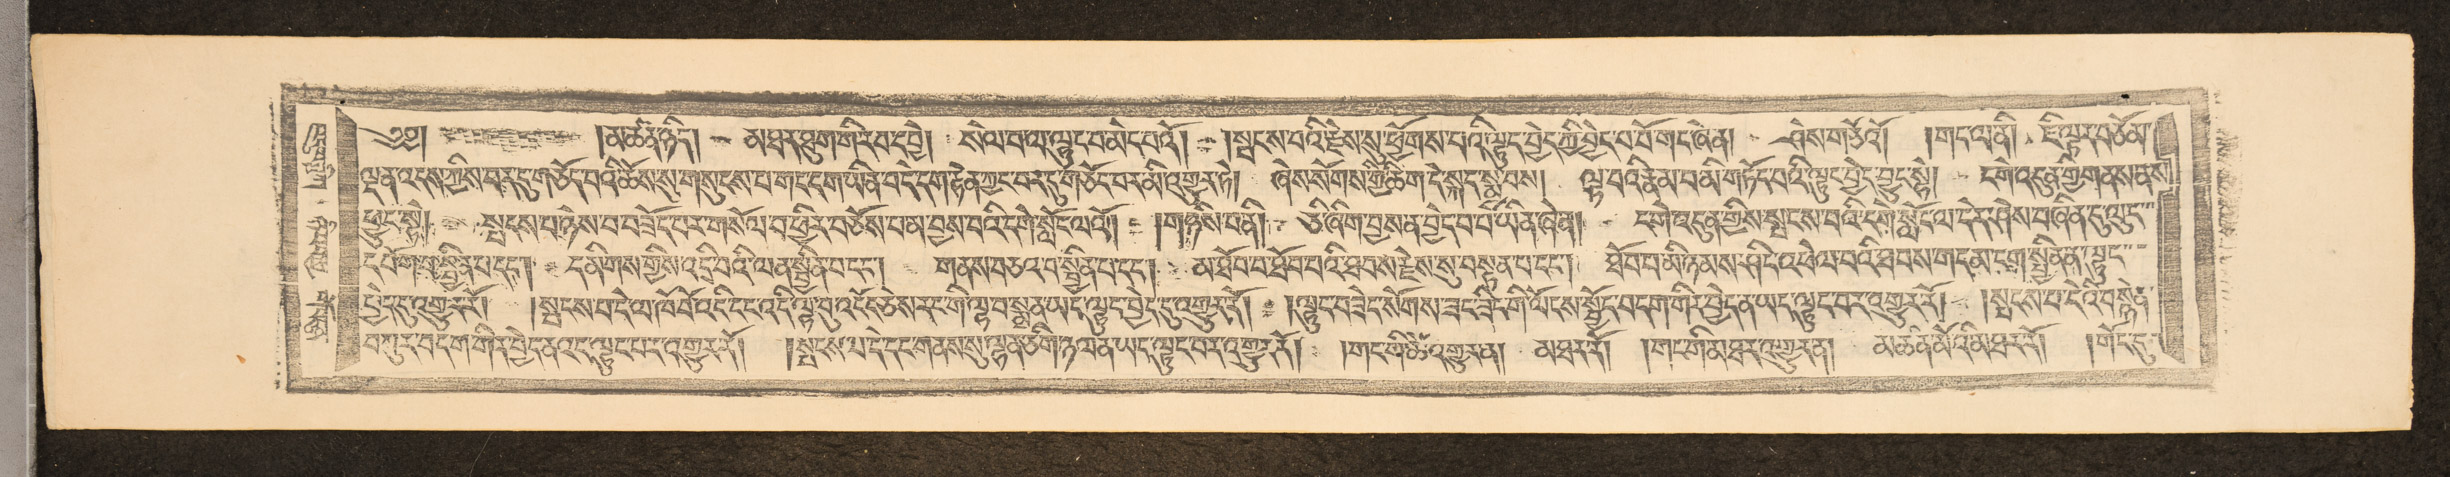༄༅། །མཚན་ཉིད། མཐར་ཐུག་གི་རབ་དབྱེ། སེལ་བ་ལ་ལྟུང་བ་མེད་པའོ། །སྦངས་པའི་རྗེས་སུ་ཕྱོགས་པའི་ལྟུང་བྱེད་ཀྱི་བྱེད་པ་བོ་གང་ཞེ་ན། ཤེས་གཙོའོ། །གང་ལ་ནི། ཇི་ལྟར་བཅོམ་
ལྡན་འདས་ཀྱིས་བར་དུ་གཅོད་པའི་ཆོས་སུ་གསུངས་པ་གང་དག་ཡིན་པ་དེ་དག་རྟེན་ཀྱང་བར་དུ་གཅོད་པར་མི་འགྱུར་ཏེ། ཞེས་སོགས་ཀྱི་ཚིག་དེ་སྐད་སྨྲ་བས། ལྟ་བའི་རྣམ་པ་མི་གཏོང་བའི་ལྟུང་བྱེད་བྱུང་སྟེ། དགེ་འདུན་གྱི་གནས་ནས་
ཕྱུང་སྟེ། སྤངས་པ་ཉེས་པ་བཟོད་པར་གསོལ་བ་ཕྱིར་བཅོས་པ་མ་བྱས་པའི་དགེ་སློང་ལའོ། །གཉིས་པ་ནི། ཅི་ཞིག་བྱས་ན་བྱེད་པ་པོ་ཡིན་ཞེ་ན། དགེ་འདུན་གྱིས་སྤངས་པའི་དགེ་སློང་ལ་དེང་ཤེས་བཞིན་དུ་ལུང་
དཔོག་པ་སྦྱིན་པ་དང་། དམིགས་གྱིས་འདྲི་བའི་ལན་སྦྱིན་པ་དང་། གནས་བཅའ་བ་སྦྱིན་པ་དང་། མ་ཐོབ་བ་ཐོབ་པའི་ཐབས་རྗེས་སུ་བསྟན་བ་དང་། ཐོབ་པ་མི་ཉམས་ཤིང་འཕེལ་བའི་ཐབས་གདམ་ངག་སྦྱིན་ན་ལྟུང་
བྱེད་དུ་འགྱུར་རོ། །སྦངས་བ་དེ་ལ་ཁོ་བོ་འདི་དང་འདི་ལྟ་བུ་འདོང་ཅེས་རང་གི་ལྟ་བ་སྨྲ་ན་ཡང་ལྟུང་བྱེད་དུ་འགྱུར་རོ། །ལྟུང་བཟེད་སོགས་ཟང་ཟིང་གི་ལོངས་སྤྱོད་བདག་གིར་བྱེད་ན་ཡང་ལྟུང་བར་འགྱུར་རོ། །སྤངས་བ་དེའི་བསྙེན་
བཀུར་བདག་གིར་བྱེད་ནའང་ལྟུང་བར་འགྱུར་རོ། །སྤངས་པ་དེ་དང་གནས་སུ་ལྷན་ཅིག་ཉལ་ན་ཡང་ལྟུང་བར་འགྱུར་རོ། །གང་གི་ཚེ་འགྱུར་ན། མཐར་རོ། །གང་གི་མཐར་འགྱུར་ན། མཚན་མོའི་མཐར་རོ། །གོང་དུ་